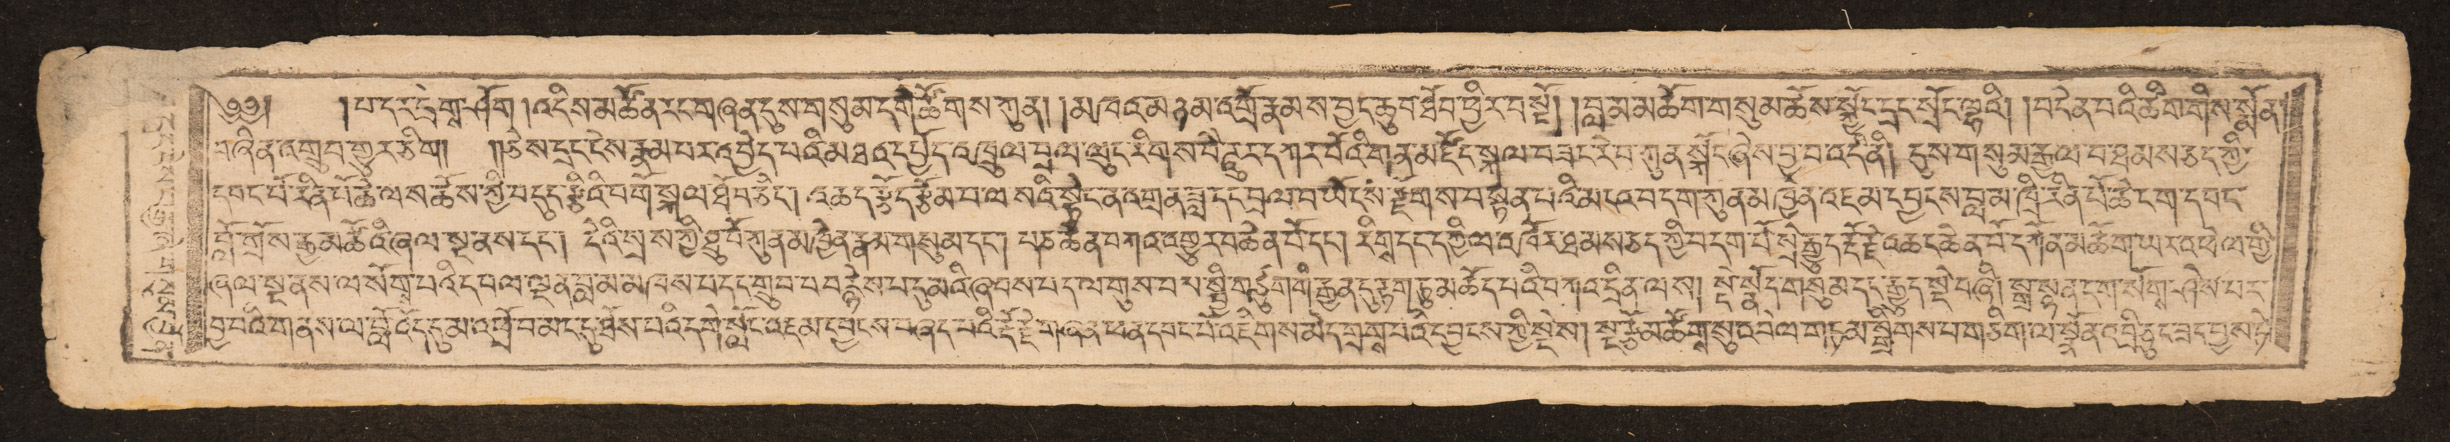༄༅། །པ་དར་དྲེགས་ཤོག །འདིས་མཚོན་རང་གཞན་དུས་གསུམ་དགེ་ཚོགས་ཀུན། །མཁའ་མཉམ་འགྲོ་རྣམས་བྱང་ཆུབ་ཐོབ་ཕྱིར་བསྔོ། །བླ་མ་མཆོག་གསུམ་ཆོས་སྐྱོང་དྲང་སྲོང་ལྷའི། །བདེན་པའི་ཚིག་གིས་སྨོན་
བཞིན་འགྲུབ་གྱུར་ཅིག། །།ཅེས་དྲང་ངེས་རྣམ་པར་འབྱེད་པའི་མཐའ་དཔྱོད་འཁྲུལ་བྲལ་ལུང་རིགས་བཻ་ཌཱུར་དཀར་པོའི་གན་མཛོད་སྐལ་བཟང་རེ་བ་ཀུན་སྐོང་ཞེས་བྱ་བ་འདི་ནི། དུས་གསུམ་རྒྱལ་བ་ཐམས་ཅད་ཀྱི་
དབང་པོ་རིན་པོ་ཆེ་ལས་ཆོས་ཀྱི་བདུད་རྩིའི་བགོ་སྐལ་ཐོབ་ཅིང་། འཆད་རྩོད་རྩོམ་པ་ལ་སའི་སྟེང་ན་འགྲན་ཟླ་དང་བྲལ་བ་ཡོངས་རྫོགས་བསྟན་པའི་མངའ་བདག་ཀུན་མཁྱེན་འཇམ་དབྱངས་བླ་མ་ཁྲི་རིན་པོ་ཆེ་ངག་དབང་
བློ་གྲོས་རྒྱ་མཚོའི་ཞལ་སྔ་ནས་དང་། དེའི་སྲས་ཀྱི་ཐུ་བོ་ཀུན་མཁྱེན་རྣམ་གསུམ་དང་། པཎ་ཆེན་བཀའ་འགྱུར་བ་ཆེན་པོ་དང་། རིགས་དང་དཀྱིལ་འཁོར་ཐམས་ཅད་ཀྱི་བདག་པོ་སྲེ་རྒྱུད་རྡོ་རྗེ་འཆང་ཆེན་པོ་དཀོན་མཆོག་ཡར་འཕེལ་གྱི་
ཞལ་སྔ་ནས་ལ་སོགས་པའི་དཔལ་ལྡན་བླ་མ་མཁས་པ་དང་གྲུབ་པ་བརྙེས་པ་དུ་མའི་ཞབས་པད་ལ་གུས་པས་སྤྱི་གཙུག་གི་རྒྱན་དུ་རྟག་ཏུ་མཆོད་པའི་བཀའ་དྲིན་ལས། སྡེ་སྣོད་གསུམ་དང་རྒྱུད་སྡེ་བཞི། སྒྲ་སྙན་ངག་སོགས་ཤེས་པར་
བྱ་བའི་གནས་ལ་བློ་འོད་དུ་མ་འཕྲོ་བ་མང་དུ་ཐོས་པའི་དགེ་སློང་འཇམ་དབྱངས་བཞད་པའི་རྡོ་རྗེ་གཞན་ཕན་དབང་པོ་འཇིགས་མེད་གྲགས་པའི་དབྱངས་ཀྱི་སྡེས། སྔ་རྩོམ་ཚོགས་སུ་འབེལ་གཏམ་སྒྲིགས་པ་གཅིག་ལ་སྣོན་འབྲི་ཅུང་ཟད་བྱས་ཏེ་